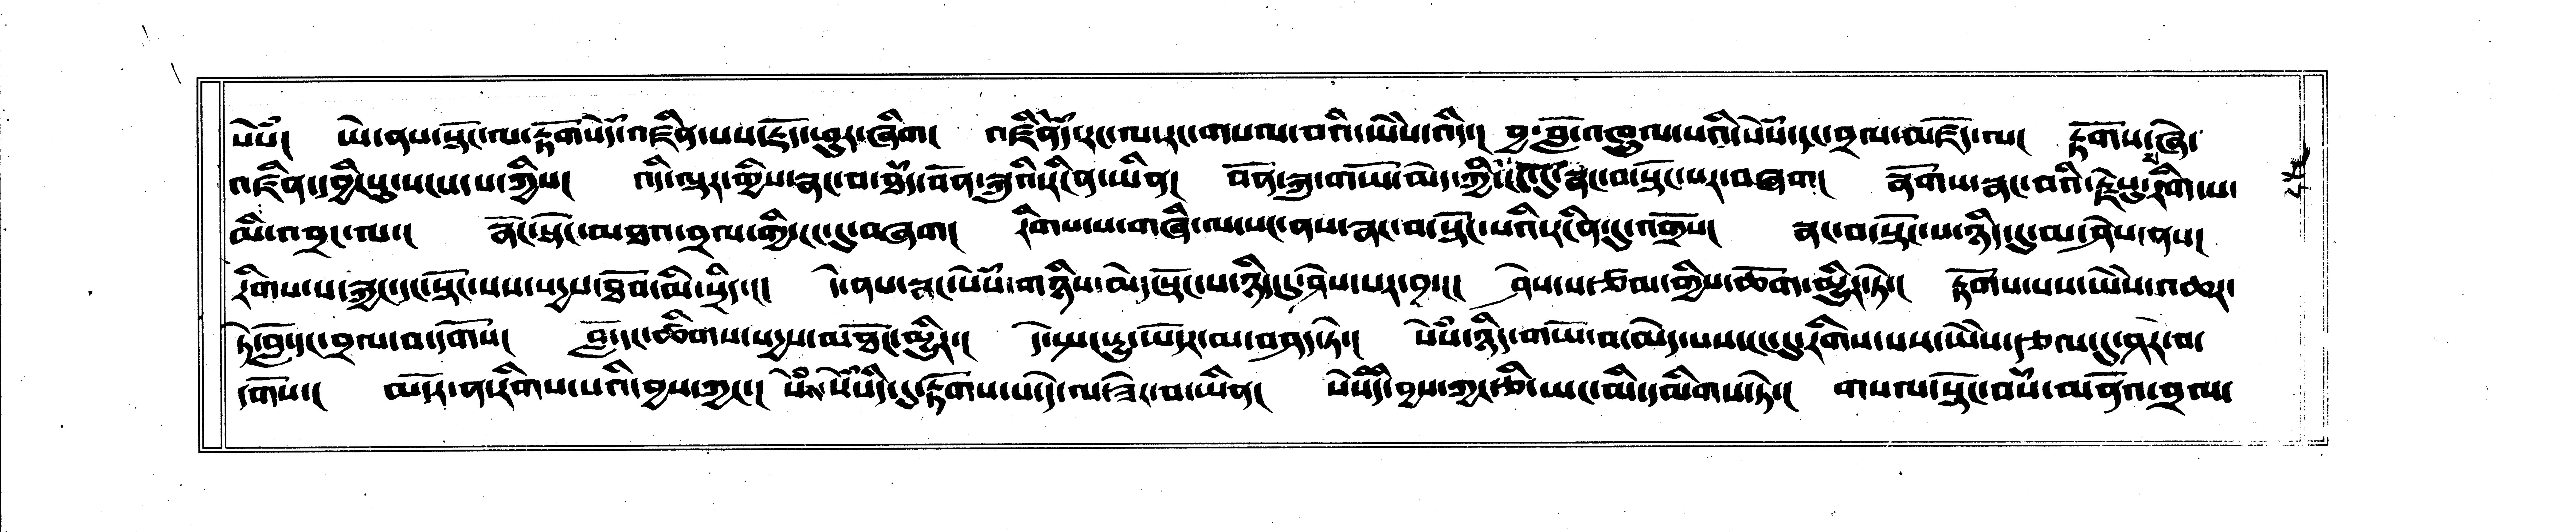སེམས། ཡེ་ནས་སྟོང་ལ་རྟོགས་མེད་འཛིན་པའི་རྟོད་ཕུར་ཞིག འཛིན་མེད་ངང་ལས་གསལ་བའི་ཡེ་ཤེས་འདི། བྱ་བློ་འཁྲུལ་པའི་སེམས་དང་བྲལ་མཛོད་ལ། རྟོག་པ་ཞེ་
འཛིན་དབྱིངས་སུ་སངས་པར་གྱིས། འདི་ལྟར་གྱིས་སྣང་བ་ཐམས་ཅད་བོན་སྐུའི་རང་བཞིན་ཡིན། བོན་སྐུ་གཡོ་མེད་ཀྱིས་ངང་དུ་སྣང་བ་སྟོང་པར་བཞག སྣ་ཚོགས་སྣང་བའི་རྗེས་སུ་རིག་པ་
མི་འབྲེང་ལ། སྣང་སྟོང་མཐའ་བྲལ་སེམས་ཀྱིས་ངང་དུ་བཞགས། རིག་པ་གཞི་ལ་སངས་ན་སྣང་བ་སྟོང་པར་རང་བཞིན་འགྲོ། སྣང་བ་སྟོང་པ་ཉིད་དུ་མ་ཤེས་ན། 
རིག་པ་རྐྱང་དད་༼དེད༽སྟོང་པས་སངས་རྒྱས་ཐོབ་མི་སྲིད། དེ་ནས་སྣང་སེམས་གཉིས་མེད་སྟོང་པར་ཤེས་པར་བྱ། ཤེས་པར་རྩལ་གྱིས་ཆོག་པར་མི་འགྱུར་རོ། རྟོགས་པའི་ཡེ་ཤེས་འཆར་
ཏེ་བློ་དང་བྲལ་བ་དགོས། བློ་དང་ཚིག་གིས་སངས་རྒྱས་མཐོང་མི་འགྱུར། དེ་ཡང་སྤང་རྒྱུ་ཡིན་པར་མ་བཤད་དེ། སེམས་ཉིད་གཡོ་བ་མེད་པའི་ངང་དུ་རིག་པའི་ཡེ་ཤེས་རྩལ་དུ་ཤར་བ་
དགོས། མདོར་ན་རིག་པའི་ཡེ་ཤེས་བྱས་ཀྱང་། སེམས་སེམས་ཉིད་དུ་རྟོགས་ན་དེ་ལ་ཟེར་བ་ཡིན། སེམས་ཉིད་བྱས་ཀྱང་ཅི་ཡང་མིི་དམིགས་ཏེ། གསལ་སྟོང་བསམ་མནོའ་དང་བྲལ་